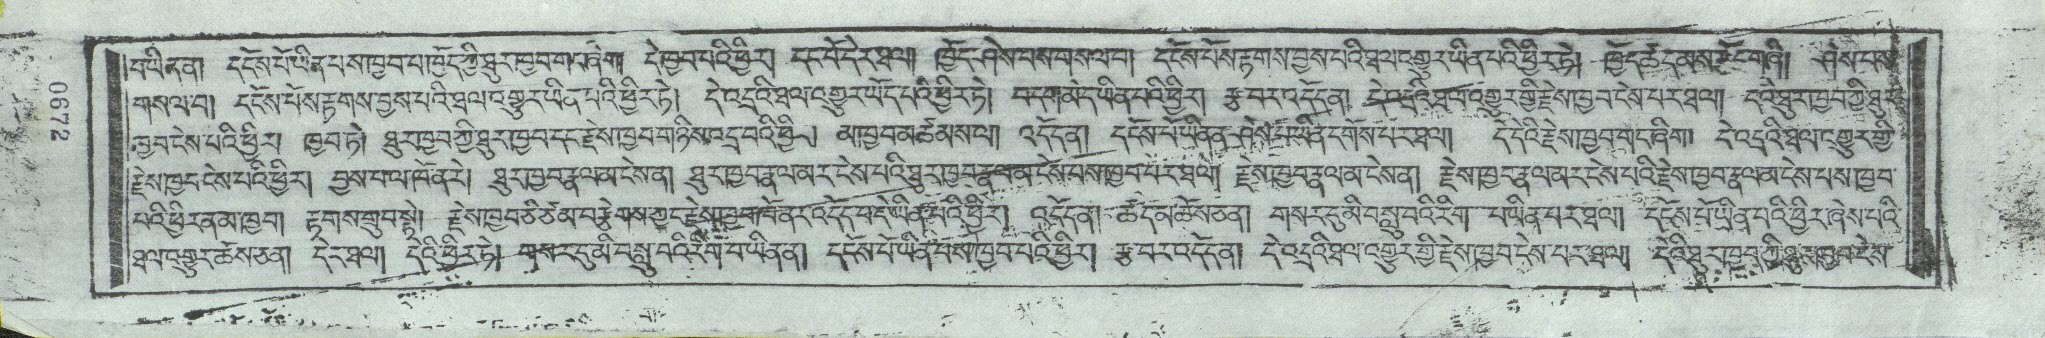བ་ཡིན་ན། དངོས་པོ་ཡིན་པས་ཁྱབ་པ་ཁྱོད་ཀྱི་ཐུར་ཁྱབ་གང་ཞིག། དེ་ཁྱབ་པའི་ཕྱིར། དང་པོ་དེར་ཐལ། ཁྱོད་ཤེས་པས་གསལ་བ། དངོས་པོས་རྟགས་བྱས་པའི་ཐལ་འགྱུར་ཡིན་པའི་ཕྱིར་ཏེ། ཁྱོད་ཚད་མས་རྩོད་གཞི། ཤེས་པས་
གསལ་བ། དངོས་པོས་རྟགས་བྱས་པའི་ཐལ་འགྱུར་ཡིན་པའི་ཕྱིར་ཏེ། དེ་འདྲའི་ཐལ་འགྱུར་ཡོད་པའི་ཕྱིར་ཏེ། བདག་མེད་ཡིན་པའི་ཕྱིར། རྩ་བར་འདོད་ན། དེ་འདྲའི་ཐལ་འགྱུར་གྱི་རྗེས་ཁྱབ་ངེས་པར་ཐལ། དའི་ཐུར་ཁྱབ་ཀྱི་ཐུར་
ཁྱབ་ངེས་པའི་ཕྱིར། ཁྱབ་ཏེ། ཐུར་ཁྱབ་ཀྱི་ཐུར་ཁྱབ་དང་རྗེས་ཁྱབ་གཉིས་འདྲ་བའི་ཕྱིར། མ་ཁྱབ་མཚམས་ལ། འདོད་ན། དངོས་པོ་ཡིན་ན་ཤེས་པ་ཡིན་དགོས་པར་ཐལ། དེ་དེའི་རྗེས་ཁྱབ་གང་ཞིག། དེ་འདྲའི་ཐལ་འགྱུར་གྱི་
རྗེས་ཁྱབ་ངེས་པའི་ཕྱིར། བྱས་པ་ལ་ཁོ་ན་རེ། ཐུར་ཁྱབ་རྣལ་མ་ངེས་ན། ཐུར་ཁྱབ་རྣལ་མར་ངེས་པའི་ཐུར་ཁྱབ་རྣལ་མ་ངེས་པས་ཁྱབ་པར་ཐལ། རྗེས་ཁྱབ་རྣལ་མ་ངེས་ན། རྗེས་ཁྱབ་རྣལ་མར་ངེས་པའི་རྗེས་ཁྱབ་རྣལ་མ་ངེས་པས་ཁྱབ་
པའི་ཕྱིར་ན་མ་ཁྱབ། རྟགས་གྲུབ་སྟེ། རྗེས་ཁྱབ་ཅི་ཙམ་བརྩེགས་ཀྱང་རྗེས་ཁྱབ་ཁོ་ནར་འདོད་པ་དེ་ཡིན་པའི་ཕྱིར། འདོད་ན། ཚད་མ་ཆོས་ཅན། གསར་དུ་མི་བསླུ་བའི་རིག་པ་ཡིན་པར་ཐལ། དངོས་པོ་ཡིན་པའི་ཕྱིར་ཞེས་པའི་
ཐལ་འགྱུར་ཆོས་ཅན། དེར་ཐལ། དེའི་ཕྱིར་ཏེ། གསར་དུ་མི་བསླུ་བའི་རིག་པ་ཡིན་ན། དངོས་པོ་ཡིན་པས་ཁྱབ་པའི་ཕྱིར། རྩ་བར་འདོད་ན། དེ་འདྲའི་ཐལ་འགྱུར་གྱི་རྗེས་ཁྱབ་ངེས་པར་ཐལ། དེའི་ཐུར་ཁྱབ་ཀྱི་ཐུར་ཁྱབ་ངེས་